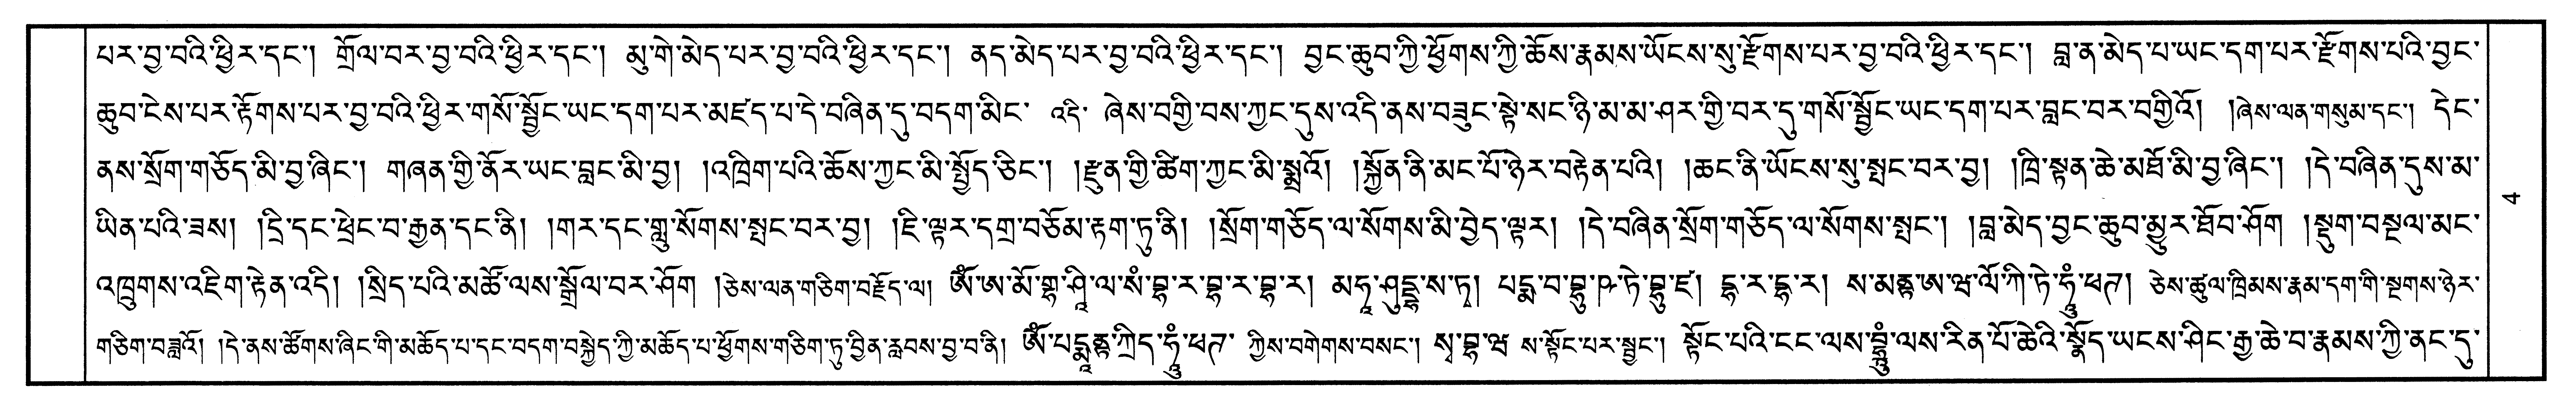པར་བྱ་བའི་ཕྱིར་དང་། གྲོལ་བར་བྱ་བའི་ཕྱིར་དང་། མུ་གེ་མེད་པར་བྱ་བའི་ཕྱིར་དང་། ནད་མེད་པར་བྱ་བའི་ཕྱིར་དང་། བྱང་ཆུབ་ཀྱི་ཕྱོགས་ཀྱི་ཆོས་རྣམས་ཡོངས་སུ་རྫོགས་པར་བྱ་བའི་ཕྱིར་དང་། བླ་ན་མེད་པ་ཡང་དག་པར་རྫོགས་པའི་བྱང་
ཆུབ་ངེས་པར་རྟོགས་པར་བྱ་བའི་ཕྱིར་གསོ་སྦྱོང་ཡང་དག་པར་མཛད་པ་དེ་བཞིན་དུ་བདག་མིང་འདི་ཞེས་བགྱི་བས་ཀྱང་དུས་འདི་ནས་བཟུང་སྟེ་སང་ཉི་མ་མ་ཤར་གྱི་བར་དུ་གསོ་སྦྱོང་ཡང་དག་པར་བླང་བར་བགྱིའོ། །ཞེས་ལན་གསུམ་དང་། དེང་
ནས་སྲོག་གཅོད་མི་བྱ་ཞིང་། གཞན་གྱི་ནོར་ཡང་བླང་མི་བྱ། །འཁྲིག་པའི་ཆོས་ཀྱང་མི་སྤྱོད་ཅིང་། །རྫུན་གྱི་ཚིག་ཀྱང་མི་སྨྲའོ། །སྐྱོན་ནི་མང་པོ་ཉེར་བརྟེན་པའི། །ཆང་ནི་ཡོངས་སུ་སྤང་བར་བྱ། །ཁྲི་སྟན་ཆེ་མཐོ་མི་བྱ་ཞིང་། །དེ་བཞིན་དུས་མ་
ཡིན་པའི་ཟས། །དྲི་དང་ཕྲེང་བ་རྒྱན་དང་ནི། །གར་དང་གླུ་སོགས་སྤང་བར་བྱ། །ཇི་ལྟར་དགྲ་བཅོམ་རྟག་ཏུ་ནི། །སྲོག་གཅོད་ལ་སོགས་མི་བྱེད་ལྟར། །དེ་བཞིན་སྲོག་གཅོད་ལ་སོགས་སྤང་། །བླ་མེད་བྱང་ཆུབ་མྱུར་ཐོབ་ཤོག །སྡུག་བསྔལ་མང་
འཁྲུགས་འཇིག་རྟེན་འདི། །སྲིད་པའི་མཚོ་ལས་སྒྲོལ་བར་ཤོག །ཅེས་ལན་གཅིག་བརྗོད་ལ། ཨོཾ་ཨ་མོ་གྷ་ཤཱི་ལ་སཾ་བྷ་ར་བྷ་ར་བྷ་ར། མཧཱ་ཤུདྡྷ་ས་ཏྭ། པདམ་བ་བྷུ་ཥ་ཏེ་བྷུ་ཛ། དྷ་ར་དྷ་ར། ས་མནྟ་ཨ་ཝ་ལོ་ཀི་ཏེ་ཧཱུཾ་ཕཊ། ཅེས་ཚུལ་ཁྲིམས་རྣམ་དག་གི་སྔགས་ཉེར་
གཅིག་བཟླའོ། །དེ་ནས་ཚོགས་ཞིང་གི་མཆོད་པ་དང་བདག་བསྐྱེད་ཀྱི་མཆོད་པ་ཕྱོགས་གཅིག་ཏུ་བྱིན་རླབས་བྱ་བ་ནི། ཨོཾ་པདམཱནྟ་ཀྲིད་ཧཱུཾ་ཕཊ་ཀྱིས་བགེགས་བསང་། སྭ་བྷ་ཝ་ས་སྟོང་པར་སྦྱང་། སྟོང་པའི་ངང་ལས་བྷྲཱུཾ་ལས་རིན་པོ་ཆེའི་སྣོད་ཡངས་ཤིང་རྒྱ་ཆེ་བ་རྣམས་ཀྱི་ནང་དུ་